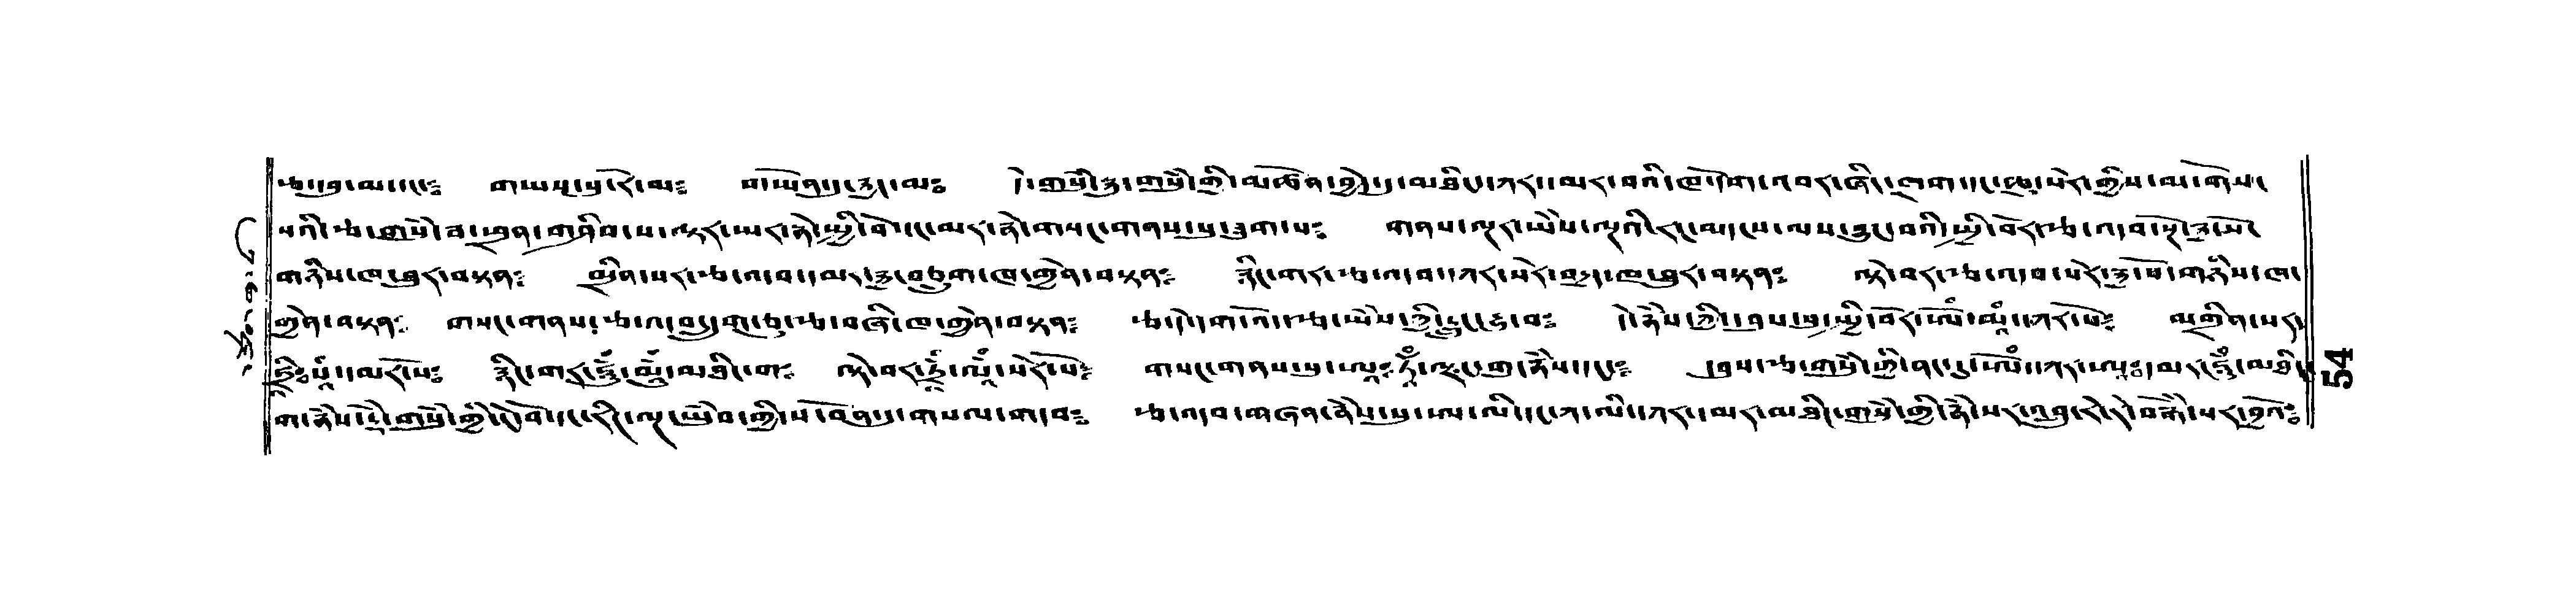རྩ་དབུ་མ་དང༔ གཡས་སུ་རོ་མ༔ གཡོན་དུ་རྐྱང་མ༔ དེ་གསུམ་སྐུ་གསུམ་གྱི་མཚོན་བྱེད་དུ་མཐིང་དཀར་དམར་བའི་ཁ་དོག་འབར་ཞིང་ཁྲག་དང་ཆུ་སེར་གྱིས་མ་གོས་
པའི་རྩ་གསུམ་སྦ་ཕྲན་གཤིབ་པ་ལྟར་ཡར་སྣེ་སྤྱི་བོ་དང་མར་སྣེ་གསང་གནས་སུ་ཟུག་པ༔ གནས་ལྔར་ཡེ་ཤེས་ལྔའི་རང་མདངས་ལས་བྱུང་བའི་སྤྱི་བོར་རྩ་འདབ་སྔོ་སྐྱ་སོ་
གཉིས་ཁ་ཐུར་བསྟན༔ མགྲིན་པར་རྩ་འདབ་དམར་སྐྱ་བཅུ་དྲུག་ཁ་གྱེན་བསྟན༔ སྙིང་གར་རྩ་འདབ་དཀར་སེར་བརྒྱད་ཁ་ཐུར་བསྟན༔ལྟེ་བར་རྩ་འདབ་སེར་སྐྱ་སོ་གཉིས་ཁ་
གྱེན་བསྟན༔ གསང་གནས་རྩ་འདབ་དྲུག་ཅུ་རྩ་བཞི་ཁ་གྱེན་བསྟན༔ རྩ་དེ་དག་འོད་རྩ་ཡེ་ཤེས་ཀྱི་རླུང་རྒྱུ་བ༔ དེ་རྣམས་ཀྱི་དབུས་སུ་སྤྱི་བོར་ཨོཾ་མཱཾ་དཀར་པོ༔ མགྲིན་པར་
ཧྲཱིཿཔཱཾ་དམར་པོ༔ སྙིང་གར་ཧཱུྃ་མཱུྃ་མཐིང་ག༔ ལྟེ་བར་ཏྲཱྃ་ལཱྃ་སེར་པོ༔ གསང་གནས་སུ་ཨཱཿཏཱྃ་ལྗང་གུ་རྣམས་དང༔ དབུས་རྩ་གསུམ་གྱི་ནང་དུ་ཨོཾ་དཀར་ཨཱཿདམར་ཧཱུྃ་མཐིང་
ག་རྣམས་རྡོ་རྗེ་གསུམ་གྱི་ངོ་བོ་དང་རིགས་ལྔ་ཡབ་ཡུམ་གྱི་ས་བོན་དུ་གསལ་གདབ༔ རྩ་འདབ་གཞན་རྣམས་སུ་ཨ་ལི་དང་ཀ་ལི་དཀར་དམར་མཐིང་གསུམ་གྱི་རྣམ་པར་འབྲུ་རེ་རེ་བསྒོམ་པར་བྱའོ༔